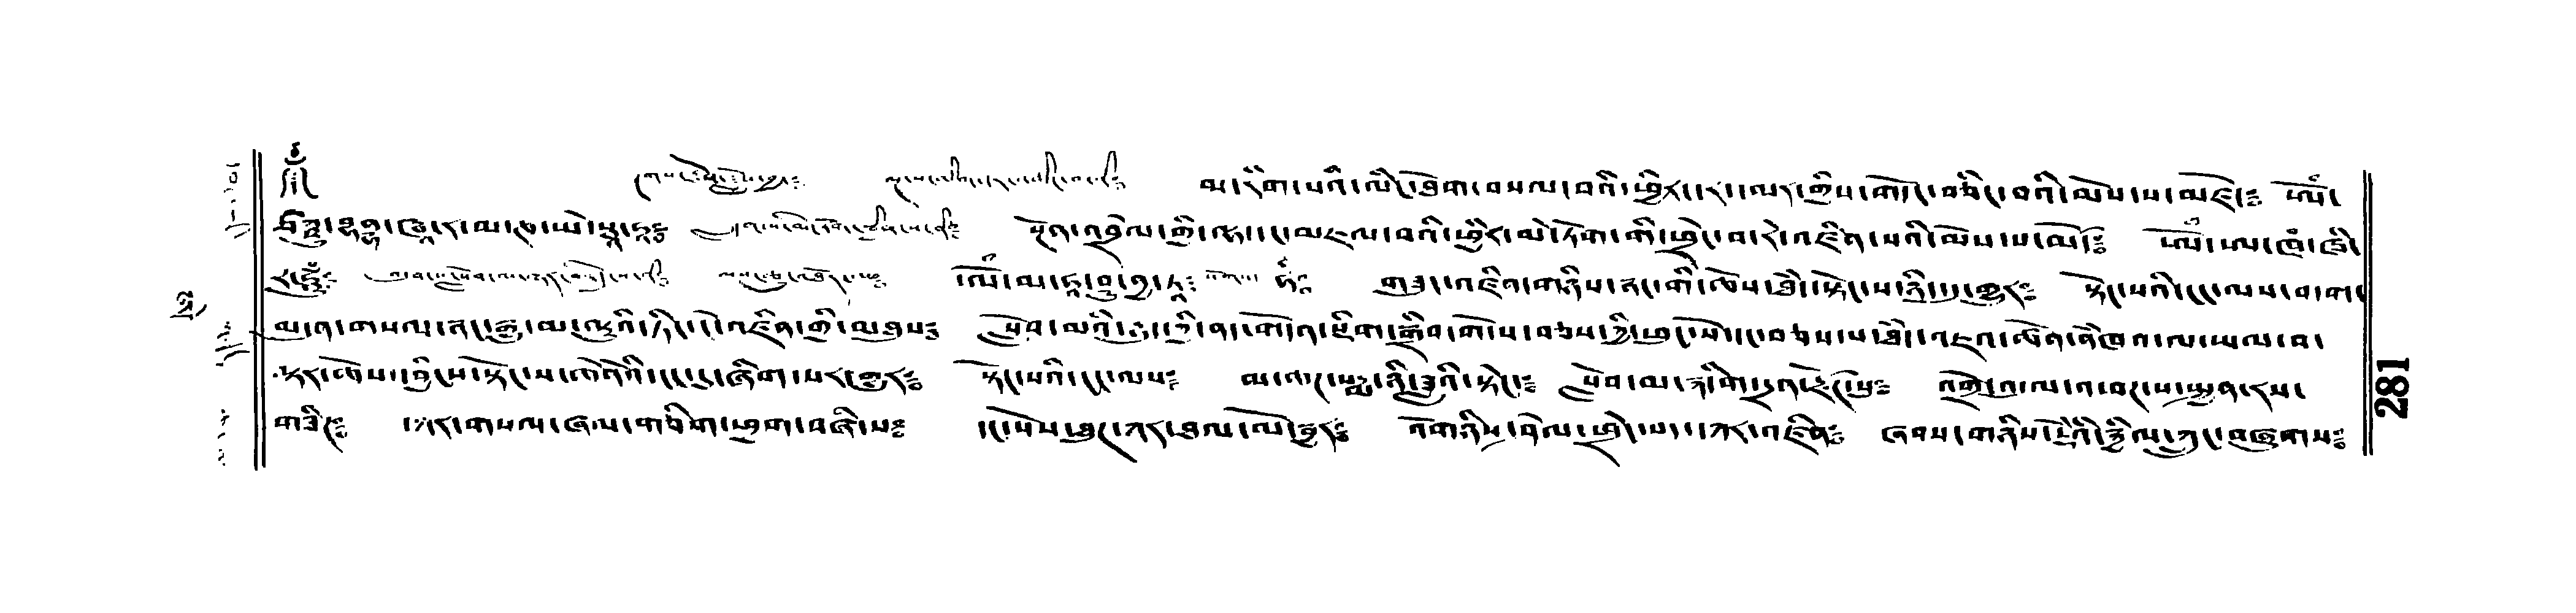སྔགས་རྗེས་ཟློས་བྱ༔ ལྔ་པ་མིག་དར་འཆིང་བ་ནི༔ མ་རིག་པའི་ལིང་ཐོག་བསལ་བའི་ཕྱིར་དར་དམར་གྱིས་གདོང་བཅིངས་བའི་མོས་པ་མཛོད༔ ཨོཾ་
ཙཀྵུ་བྷནྡྷ་ཝཱ་ར་མ་ཎ་ཡེ་སྭཱ་ཧཱ༔ དྲུག་པ་མེ་ཏོག་སྦྱིན་པ་ནི༔ སྔོན་འབྲེལ་གྱི་ལྷ་དང་མཇལ་བའི་ཕྱིར་མེ་ཏོག་གི་ཕྲེང་བ་རེ་འཛིན་པའི་མོས་པ་མཛོད༔ ཨོཾ་ཨ་ཁཾ་ཝི་
ར་ཧཱུྃ༔ བདུན་པ་སློབ་མ་ལྷར་བསྐྱེད་པ་ནི༔ ལས་ཆུ་འཐོར་ལ༔ ཨོཾ་མ་ཧཱ་ཤུ་ནྱ་ཏཱ༴ སོགས༔ ཧཾཿ གཟུང་འཛིན་གཉིས་སྣང་གི་ཆོས་ཐམས་ཅད་སྟོང་པ་ཉིད་དུ་གྱུར༔ སྟོང་པའི་ངང་ལས་བདག་
མདུན་གསལ་སྣང་སྒྱུ་མ་ལྟ་བུའི་ཏིང་ངེ་འཛིན་གྱི་མཐུས༔ སློབ་མའི་རྒྱུད་ཀྱི་ནད་གདོན་སྡིག་སྒྲིབ་གདོས་བཅས་ཀྱི་ཕུང་པོ་དང་བཅས་པ་ཐམས་ཅད་འཇའ་ཚོན་ནམ་མཁའ་ལ་ཡལ་བ་
ལྟར་ཆོས་དབྱིངས་སྟོང་པ་ཆེན་པོའི་ངང་དུ་ཞིག་པར་གྱུར༔ སྟོང་པའི་ངང་ལས༔ མ་ཆགས་པདྨ་ཉི་ཟླའི་སྟེང༔ སློབ་མ་སྐད་ཅིག་དྲན་རྫོགས་སུ༔ འགྲོ་འདུལ་འཕགས་པ་སྤྱན་རས་
གཟིགས༔ དཀར་གསལ་ཞལ་གཅིག་ཕྱག་བཞི་པ༔ དང་པོས་ཐུགས་ཀར་ཐལ་མོ་སྦྱར༔ འོག་གཉིས་ཤེལ་ཕྲེང་པད་དཀར་འཛིན༔ ཞབས་གཉིས་རྡོ་རྗེའི་སྐྱིལ་ཀྲུང་བཞུགས༔